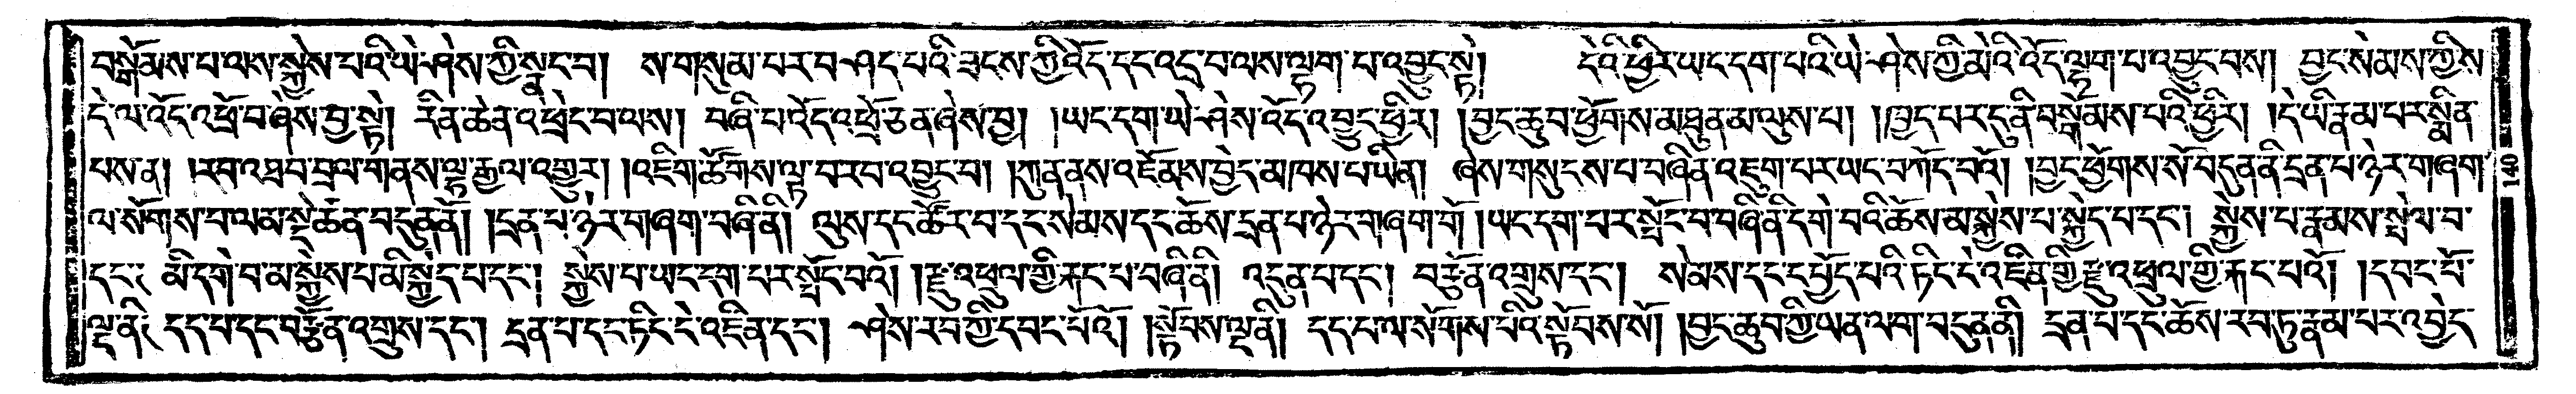བསྒོམས་པ་ལས་སྐྱེས་པའི་ཡེ་ཤེས་ཀྱི་སྣང་བ། ས་གསུམ་པར་བཤད་པའི་ཟངས་ཀྱི་འོད་དང་འདྲ་བ་ལས་ལྷག་པ་འབྱུང་སྟེ། དེའི་ཕྱིར་ཡང་དག་པའི་ཡེ་ཤེས་ཀྱི་མེའི་འོད་ལྷག་པ་འབྱུང་བས། བྱང་སེམས་ཀྱི་ས་
དེ་ལ་འོད་འཕྲོ་བ་ཞེས་བྱ་སྟེ། རིན་ཆེན་འཕྲེང་བ་ལས། བཞི་པ་འོད་འཕྲོ་ཅན་ཞེས་བྱ། །ཡང་དག་ཡེ་ཤེས་འོད་འབྱུང་ཕྱིར། །བྱང་ཆུབ་ཕྱོགས་མཐུན་མ་ལུས་པ། །ཁྱད་པར་དུ་ནི་བསྒོམས་པའི་ཕྱིར། །དེ་ཡི་རྣམ་པར་སྨིན་
པས་ན། །རབ་འཐབ་བྲལ་གནས་ལྷ་རྒྱལ་འགྱུར། །འཇིག་ཚོགས་ལྟ་བ་རབ་འབྱུང་བ། །ཀུན་ནས་འཇོམས་བྱེད་མཁས་པ་ཡིན། ཞེས་གསུངས་པ་བཞིན་འཇུག་པར་ཡང་བཀོད་པའོ། །བྱང་ཕྱོགས་སོ་བདུན་ནི་དྲན་པ་ཉེར་གཞག་
ལ་སོགས་པ་ལམ་སྡེ་ཚན་བདུན་ནོ། །དྲན་པ་ཉེར་གཞག་བཞི་ནི། ལུས་དང་ཚོར་བ་དང་སེམས་དང་ཆོས་དྲན་པ་ཉེར་གཞག་གོ །ཡང་དག་པར་སྤོང་བ་བཞི་ནི་དགེ་བའི་ཆོས་མ་སྐྱེས་པ་སྐྱེད་པ་དང་། སྐྱེས་པ་རྣམས་སྤེལ་བ་
དང༑ མི་དགེ་བ་མ་སྐྱེས་པ་མི་སྐྱེད་པ་དང་། སྐྱེས་པ་ཡང་དག་པར་སྤོང་བའོ། །རྫུ་འཕྲུལ་གྱི་རྐང་པ་བཞི་ནི། འདུན་པ་དང་། བརྩོན་འགྲུས་དང་། སེམས་དང་དཔྱོད་པའི་ཏིང་ངེ་འཛིན་གྱི་རྫུ་འཕྲུལ་གྱི་རྐང་པའོ། །དབང་པོ་
ལྔ་ནི། དད་པ་དང་བརྩོན་འགྲུས་དང་། དྲན་པ་དང་ཏིང་ངེ་འཛིན་དང་། ཤེས་རབ་ཀྱི་དབང་པོའོ། །སྟོབས་ལྔ་ནི། དད་པ་ལ་སོགས་པའི་སྟོབས་སོ། །བྱང་ཆུབ་ཀྱི་ཡན་ལག་བདུན་ནི། དྲན་པ་དང་ཆོས་རབ་ཏུ་རྣམ་པར་འབྱེད་